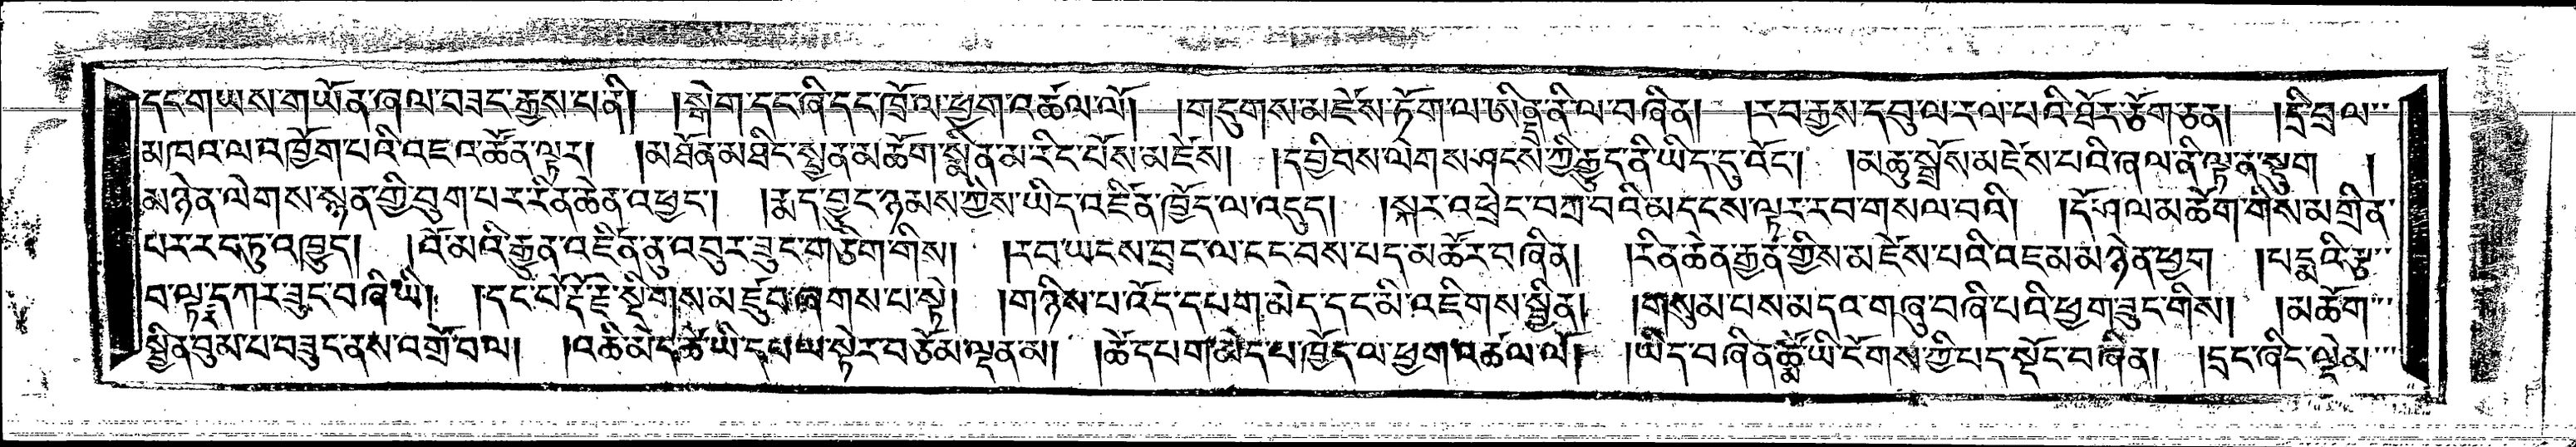དང་གཡས་གཡོན་ཞལ་བཟང་རྒྱས་པ་ནི། །སྒེག་དང་ཞི་དང་ཁྲོ་ལ་ཕྱག་ཚལ་ལོ། །གདུགས་མཛེས་རོག་ལ་ཨིནྡྲ་ནི་ལ་བཞིན། །རབ་རྒྱས་དབུ་ལ་རལ་བའི་ཐོར་ཅོག་ཅན། །དྲི་བྲལ་
མཁའ་ལ་འཁྱོག་པའི་འཇའ་ཚོན་ལྟར། །མཐོན་མཐོང་སྤྱན་མཆོག་སྨིན་མ་རིང་པོས་མཛེས། །དབྱིབས་ལེགས་ཤངས་ཀྱི་རྒྱུད་ནི་ཡིད་དུ་འོང་། །མཆུ་སྒྲོས་མཛེས་པའི་ཞལ་ནི་ལྟ་ན་སྡུག །
མཉེན་ལེགས་སྙན་གྱི་བུག་པར་རིན་ཆེན་འཕྱང་། །སྨད་བྱུང་ཉམས་ཀྱིས་ཡིད་འཛིན་ཁྱོད་ལ་འདུད། །སྐར་འཕྲེང་བཀྲ་བའི་མདངས་ལྟར་རབ་གསལ་བའི། །དོ་ཤལ་མཆོག་གིས་མགྲིན་
པར་རབ་ཏུ་འཁྱུད། །འོ་མའི་རྒྱུན་འཛིན་ནུ་འབུར་ཟུང་གཅིག་གིས། །རབ་ཡངས་བྲང་ལ་ངང་བས་པད་མཚོར་བཞིན། །རིན་ཆེན་རྒྱན་གྱིས་མཛེས་པའི་འཇམ་མཉེན་ཕྱག །པདམའི་རྩ་
བ་ལྟར་དཀར་ཟུང་བཞི་ཡི། །དང་པོ་རྡོ་རྗེ་སྡིགས་མཛུབ་ཞགས་པ་སྟེ། །གཉིས་པ་འོད་དཔག་མེད་དང་མི་འཇིགས་སྦྱིན། །གསུམ་པས་མདའ་གཞུ་བཞི་པའི་ཕྱག་ཟུང་གིས། །མཆོག་
སྦྱིན་བུམ་པ་བཟུང་ནས་འགྲོ་བ་ལ། །འཆི་མེད་ཚེ་ཡི་དཔལ་སྟེར་བཅོམ་ལྡན་མ། །ཚེ་དཔག་མེད་ལ་ཁྱོད་ལ་ཕྱག་འཚལ་ལོ། །ཡིད་བཞིན་མཚོ་ཡི་དོགས་ཀྱི་པད་སྡོང་བཞིན། །དྲང་ཞིང་ལྡེམ་